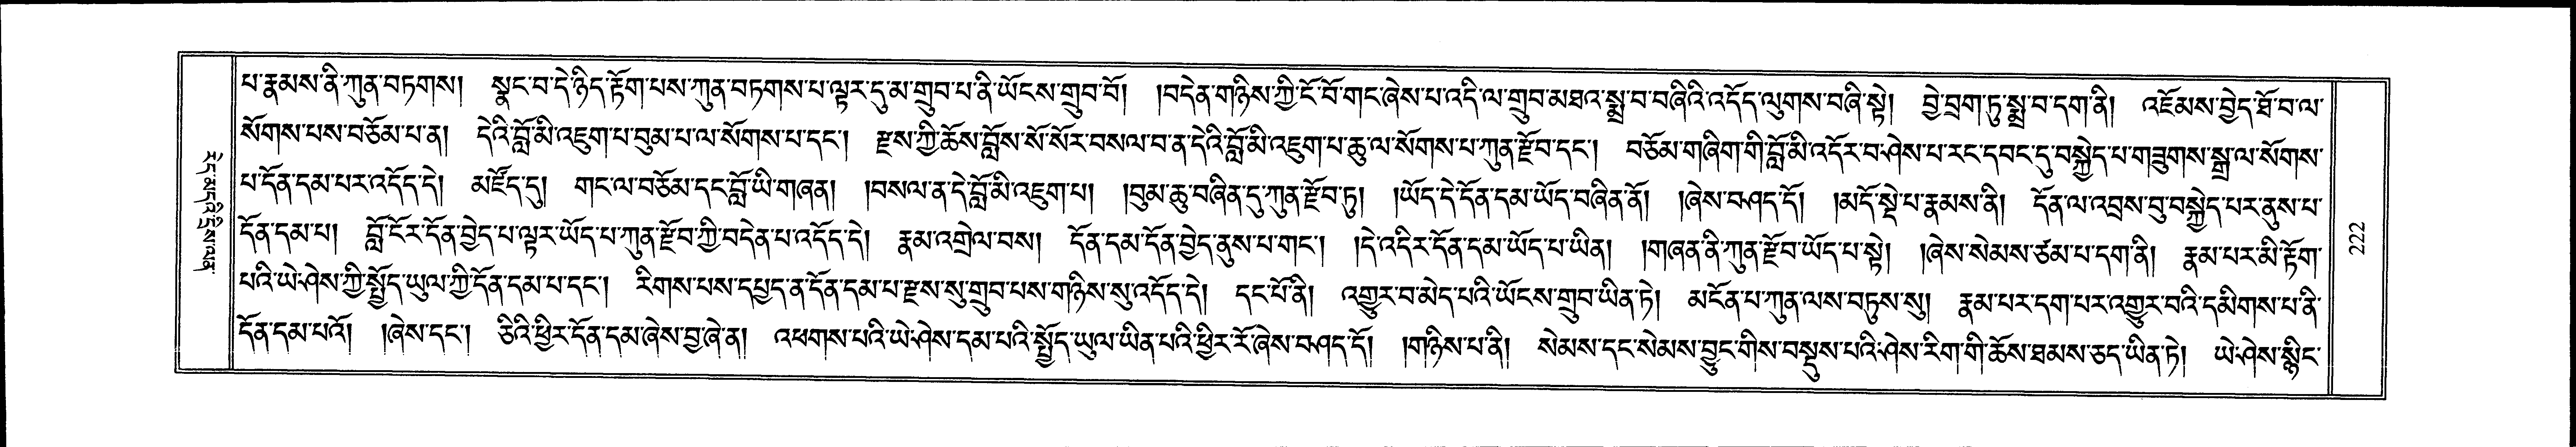པ་རྣམས་ནི་ཀུན་བཏགས། སྣང་བ་དེ་ཉིད་རྟོག་པས་ཀུན་བཏགས་པ་ལྟར་དུ་མ་གྲུབ་པ་ནི་ཡོངས་གྲུབ་བོ། །བདེན་གཉིས་ཀྱི་ངོ་བོ་གང་ཞེས་པ་འདི་ལ་གྲུབ་མཐའ་སྨྲ་བ་བཞིའི་འདོད་ལུགས་བཞི་སྟེ། བྱེ་བྲག་ཏུ་སྨྲ་བ་དག་ནི། འཇོམས་བྱེད་ཐོ་བ་ལ་
སོགས་པས་བཅོམ་པ་ན། དེའི་བློ་མི་འཇུག་པ་བུམ་པ་ལ་སོགས་པ་དང་། རྫས་ཀྱི་ཆོས་བློས་སོ་སོར་བསལ་བ་ན་དེའི་བློ་མི་འཇུག་པ་ཆུ་ལ་སོགས་པ་ཀུན་རྫོབ་དང་། བཅོམ་གཞིག་གི་བློ་མི་འདོར་བ་ཤེས་པ་རང་དབང་དུ་བསྐྱེད་པ་གཟུགས་སྒྲ་ལ་སོགས་
པ་དོན་དམ་པར་འདོད་དེ། མཛོད་དུ། གང་ལ་བཅོམ་དང་བློ་ཡི་གཞན། །བསལ་ན་དེ་བློ་མི་འཇུག་པ། །བུམ་ཆུ་བཞིན་དུ་ཀུན་རྫོབ་ཏུ། །ཡོད་དེ་དོན་དམ་ཡོད་བཞིན་ནོ། །ཞེས་བཤད་དོ། །མདོ་སྡེ་པ་རྣམས་ནི། དོན་ལ་འབྲས་བུ་བསྐྱེད་པར་ནུས་པ་
དོན་དམ་པ། བློ་ངོར་དོན་བྱེད་པ་ལྟར་ཡོད་པ་ཀུན་རྫོབ་ཀྱི་བདེན་པ་འདོད་དེ། རྣམ་འགྲེལ་བས། དོན་དམ་དོན་བྱེད་ནུས་པ་གང་། །དེ་འདིར་དོན་དམ་ཡོད་པ་ཡིན། །གཞན་ནི་ཀུན་རྫོབ་ཡོད་པ་སྟེ། །ཞེས་སེམས་ཙམ་པ་དག་ནི། རྣམ་པར་མི་རྟོག་
པའི་ཡེ་ཤེས་ཀྱི་སྤྱོད་ཡུལ་ཀྱི་དོན་དམ་པ་དང་། རིགས་པས་དཔྱད་ན་དོན་དམ་པ་རྫས་སུ་གྲུབ་པས་གཉིས་སུ་འདོད་དེ། དང་པོ་ནི། འགྱུར་བ་མེད་པའི་ཡོངས་གྲུབ་ཡིན་ཏེ། མངོན་པ་ཀུན་ལས་བཏུས་སུ། རྣམ་པར་དག་པར་འགྱུར་བའི་དམིགས་པ་ནི་
དོན་དམ་པའོ། །ཞེས་དང་། ཅིའི་ཕྱིར་དོན་དམ་ཞེས་བྱ་ཞེ་ན། འཕགས་པའི་ཡེ་ཤེས་དམ་པའི་སྤྱོད་ཡུལ་ཡིན་པའི་ཕྱིར་རོ་ཞེས་བཤད་དོ། །གཉིས་པ་ནི། སེམས་དང་སེམས་བྱུང་གིས་བསྡུས་པའི་ཤེས་རིག་གི་ཆོས་ཐམས་ཅད་ཡིན་ཏེ། ཡེ་ཤེས་སྙིང་